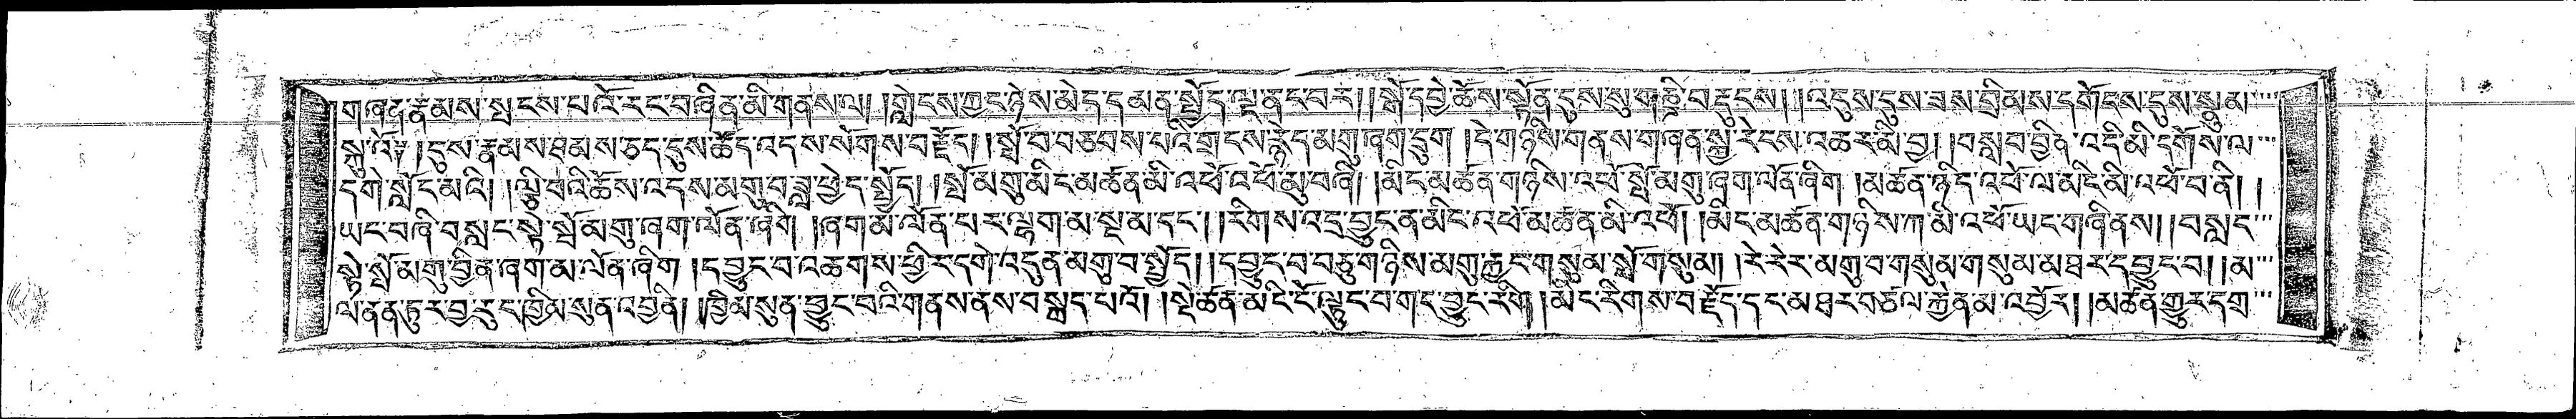གཞན་རྣམས་སྤངས་པའོ་རང་བཞིན་མི་གནས་ལ། །གླེངས་ཀྱང་ཉེས་མེད་དམན་སྤྱོད་ལྔ་ནང་བར། །སྒོ་དབྱེ་ཆོས་སྟོན་དུས་སུ་གཎྜི་བརྡུངས། །འདུས་དུས་ཟས་བྲིམས་དགོངས་དུས་སྣུམ་
སྐུ་འོ༑ །དུས་རྣམས་ཐམས་ཅད་དུས་ཚོད་འདས་སོགས་བརྗོད། །སྤོ་བ་བཅབས་པའི་གྲངས་རྙེད་མགུ་ཞག་དྲུག །དེ་གཉིས་གནས་གཞན་སྐྱ་རེངས་འཆར་མི་བྱ། །བསླབ་བྱིན་འདི་མི་དགོས་ལ་
དགེ་སློང་མའི། །ལྕི་བའི་ཆོས་འདས་མགུ་བ་ཟླ་ཕྱེད་སྤྱོད། །སྤོ་མགུ་མིང་མཚན་མི་འཕོ་འཕོ་མུ་བཞི། །མིང་མཚན་གཉིས་འཕོ་སྤོ་མགུ་ཞག་ལོན་ཞིག །མཚན་ཉིད་འཕོ་ལ་མིང་མི་འཕོ་བ་ནི། །
ཡང་བཞི་བསླང་སྟེ་སྤོ་མགུ་ཞག་ལོན་ཞིག །ཞག་མ་ལོན་པར་ལྷག་མ་སྔ་མ་དང་། །རིགས་འདྲ་བྱུང་ན་མིང་འཕོ་མཚན་མི་འཕོ། །མིང་མཚན་གཉིས་ཀ་མི་འཕོ་ཡང་གཞི་ནས། །བསླང་
སྟེ་སྤོ་མགུ་བྱིན་ཞག་མ་ལོན་ཞིག །དབྱུང་བ་འཆགས་ཕྱིར་དགེ་འདུན་མགུ་བ་སྤྱོད། །དབྱུང་བ་བཅུ་གཉིས་མགུ་རྐྱང་གསུམ་སྤོ་གསུམ། །རེ་རེར་མགུ་བ་གསུམ་གསུམ་མཐར་དབྱུང་བ། །མ་
ལ་ནན་ཏུར་བྱ་རུང་ཁྱིམ་སུན་འབྱིན། །ཁྱིམ་སུན་ཕྱུང་བའི་གནས་ནས་བསྐྲད་པའོ། །སྡེ་ཚན་མིང་ངོ་ལྟུང་བ་གང་བྱུང་རིག །མིང་རིགས་བརྗོད་དང་མཐར་བཙལ་རྐྱེན་མ་འབྱོར། །མཚན་གྱུར་དགྲ་